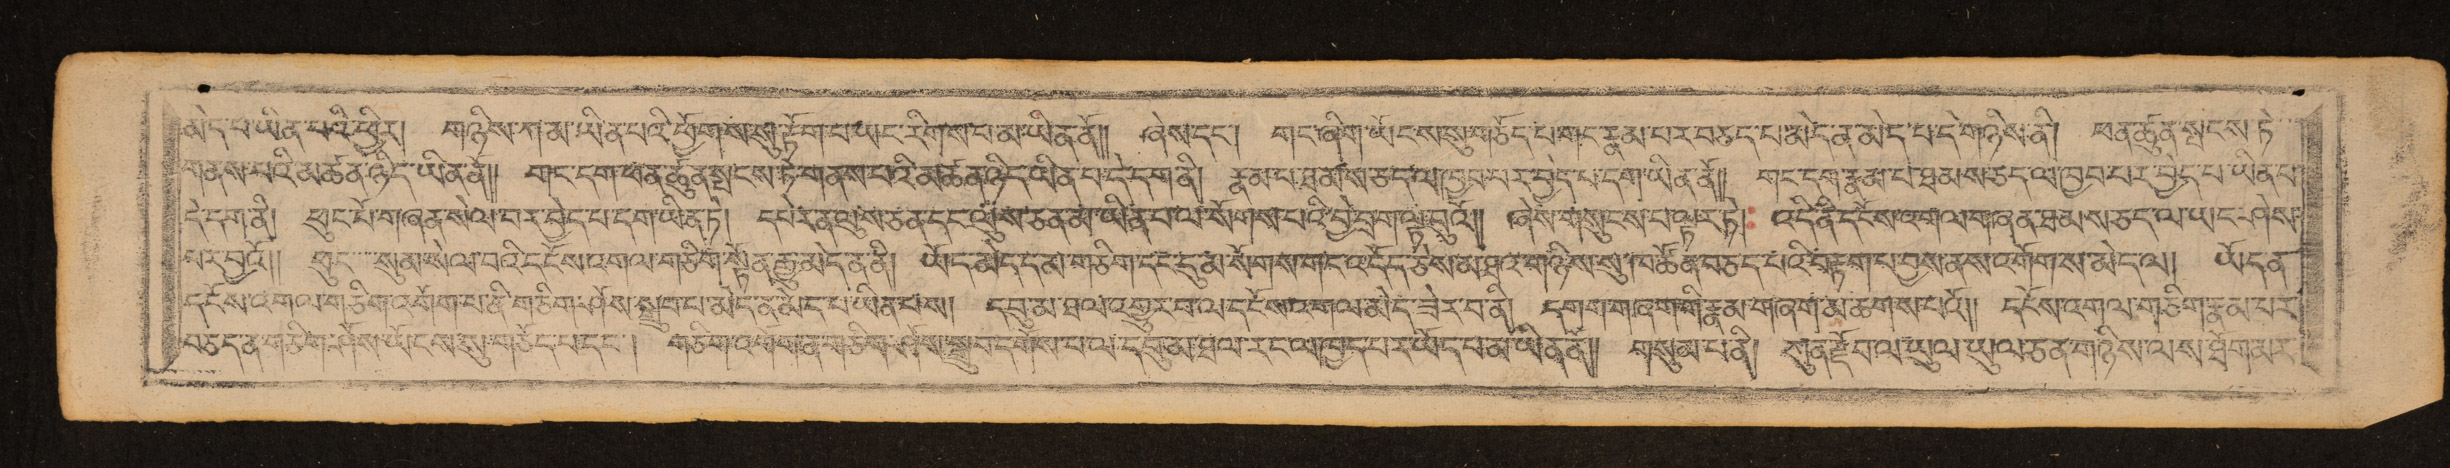མེད་པ་ཡིན་པའི་ཕྱིར། གཉིས་ཀ་མ་ཡིན་པའི་ཕྱོགས་སུ་རྟོག་པ་ཡང་རིགས་པ་མ་ཡིན་ནོ།། ཞེས་དང་། གང་ཞིག་ཡོངས་སུ་གཅོད་པ་གང་རྣམ་པར་བཅད་པ་མེད་ན་མེད་པ་དེ་གཉིས་ནི། ཕན་ཚུན་སྤངས་ཏེ་
གནས་པའི་མཚན་ཉིད་ཡིན་ནོ།། གང་དག་ཕན་ཚུན་སྤངས་ཏེ་གནས་པའི་མཚན་ཉིད་ཡིན་པ་དེ་དག་ནི། རྣམ་པ་ཐམས་ཅད་ལ་ཁྱབ་པར་བྱེད་པ་དག་ཡིན་ནོ།། གང་དག་རྣམ་པ་ཐམས་ཅད་ལ་ཁྱབ་པར་བྱེད་པ་ཡིན་པ་
དེ་དག་ནི། ཕུང་པོ་གཞན་སེལ་བར་བྱེད་པ་དག་ཡིན་ཏེ། དཔེར་ན་ལུས་ཅན་དང་ལུས་ཅན་མ་ཡིན་པ་ལ་སོགས་པའི་བྱེ་བྲག་ལྟ་བུའོ།། ཞེས་གསུངས་པ་ལྟར་ཏེ། འདི་ནི་དངོས་འགལ་གཞན་ཐམས་ཅད་ལ་ཡང་ཤེས་
པར་བྱའོ།། ཕུང་སུམ་སེལ་བའི་དངོས་འགལ་གཅིག་སྟོན་རྒྱུ་མེད་ན་ནི། ཡོད་མེད་དམ་གཅིག་དང་དུ་མ་སོགས་གང་འདོད་ཅེས་མཐའ་གཉིས་སུ་ཁ་ཚོན་བཅད་པའི་བརྟག་པ་བྱས་ནས་འགོག་ས་མེད་ལ། ཡོད་ན་
དངོས་འགལ་གཅིག་འགོག་པ་ནི་གཅིག་ཤོས་སྒྲུབ་པ་མེད་ན་མེད་པ་ཡིན་པས། དབུ་མ་ཐལ་འགྱུར་བ་ལ་དངོས་འགལ་མེད་ཟེར་བ་ནི། དགག་གཞག་གི་རྣམ་གཞག་མ་ཆགས་པའོ།། དངོས་འགལ་གཅིག་རྣམ་པར་
བཅད་ན་གཅིག་ཤོས་ཡོངས་སུ་གཅོད་པ་དང་། གཅིག་འགོག་ན་གཅིག་ཤོས་སྒྲུབ་དགོས་པ་ལ་དབུ་མ་ཐལ་རང་ལ་ཁྱད་པར་ཡོད་པ་མ་ཡིན་ནོ།། གསུམ་པ་ནི། ཀུན་རྫོབ་ལ་ཡུལ་ཡུལ་ཅན་གཉིས་ལས་ཐོག་མར་